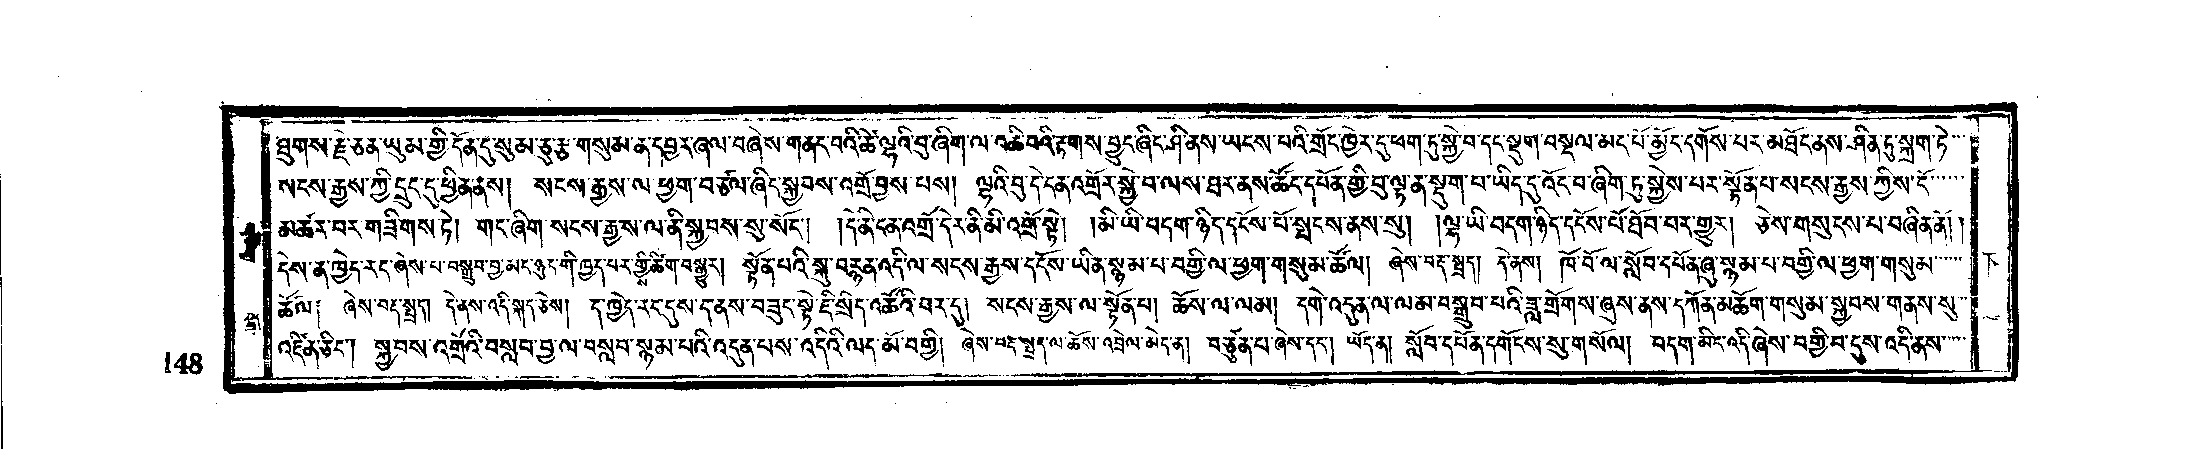ཐུགས་རྗེ་ཅན་ཡུམ་གྱི་དོན་དུ་སུམ་ཅུ་རྩ་གསུམ་ན་དབྱར་ཞལ་བཞེས་གནང་བའི་ཚེ་ལྷའི་བུ་ཞིག་ལ་འཆི་བའི་རྟགས་བྱུང་ཞིང་ཤི་ནས་ཡངས་པའི་གྲོང་ཁྱེར་དུ་ཕག་ཏུ་སྐྱེ་བ་དང་སྡུག་བསྔལ་མང་པོ་མྱོང་དགོས་པར་མཐོང་ནས་ཤིན་ཏུ་སྐྲག་ཏེ་
སངས་རྒྱས་ཀྱི་དྲུང་དུ་ཕྱིན་ནས། སངས་རྒྱས་ལ་ཕྱག་བཙལ་ཞིང་སྐྱབས་འགྲོ་བྱས་པས། ལྷའི་བུ་དེ་ངན?་འགྲོར་སྐྱེ་བ་ལས་ཐར་ནས་ཚོང་དཔོན་གྱི་བུ་ལྟ་ན་སྡུག་པ་ཡིད་དུ་འོང་བ་ཞིག་ཏུ་སྐྱེས་པར་སྟོན་པ་སངས་རྒྱས་ཀྱིས་ངོ་
མཚར་བར་གཟིགས་ཏེ། གང་ཞིག་སངས་རྒྱས་ལ་ནི་སྐྱབས་སུ་སོང་། །དེ་ནི་ངན་འགྲོ་དེར་ནི་མི་འགྲོ་སྟེ། །མི་ཡི་བདག་ཉིད་དངོས་པོ་སྤངས་ནས་སུ། །ལྷ་ཡི་བདག་ཉིད་དངོས་པོ་ཐོབ་པར་གྱུར། ཅེས་གསུངས་པ་བཞིན་ནོ།།
དེས་ན་ཁྱེད་རང་ཞེས་པ་བསྒྲུབ་བྱ་མང་ཉུང་གི་ཁྱད་པར་གྱིས་ཚིག་བསྒྱུར།  སྟོན་པའི་སྐུ་བརྙན་འདི་ལ་སངས་རྒྱས་དངོས་ཡིན་སྙམ་པ་བགྱི་ལ་ཕྱག་གསུམ་ཚོལ། ཞེས་བརྡ་སྤྲད། དེ་ནས།  ཁོ་བོ་ལ་སློབ་དཔོན་ཞུ་སྙམ་པ་བགྱི་ལ་ཕྱག་གསུམ་
ཚོལ༑ ཞེས་བརྡ་སྤྲད། དེ་ནས་འདི་སྐད་ཅེས།  ད་ཁྱེད་རང་དུས་ད་ནས་བཟུང་སྟེ་ཇི་སྲིད་འཚོའི་བར་དུ། སངས་རྒྱས་ལ་སྟོན་པ། ཆོས་ལ་ལམ། དགེ་འདུན་ལ་ལམ་བསྒྲུབ་པའི་ཟླ་གྲོགས་ཞུས་ནས་དཀོན་མཆོག་གསུམ་སྐྱབས་གནས་སུ་
འཛིན་ཅིང་། སྐྱབས་འགྲོའི་བསླབ་བྱ་ལ་བསླབ་སྙམ་པའི་འདུན་པས་འདིའི་ལད་མོ་བགྱི། ཞེས་བརྡ་སྤྲད་ལ་ཆོས་འབྲེལ་མེད་ན།  བཙུན་པ་ཞེས་དང་། ཡོད་ན།  སློབ་དཔོན་དགོངས་སུ་གསོལ། བདག་མིང་འདི་ཞེས་བགྱི་བ་དུས་འདི་ནས་